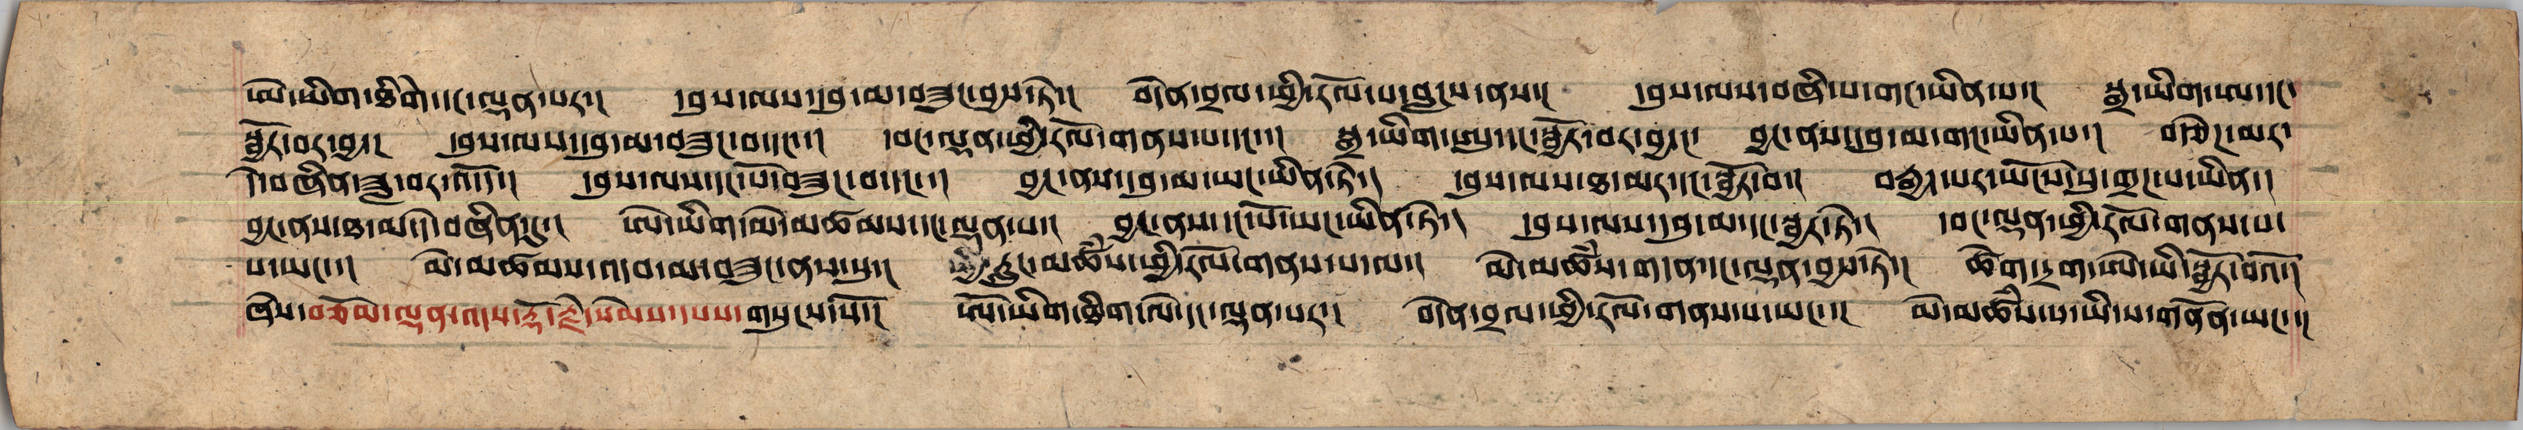ཨེ་ཡིག་ཐིགེ་དང་ལྡན་པར་། དབུས་ལས་དབུ་མ་བཟུང་བྱས་ཏེ་། བདེན་བྲལ་ཕྱི་རོལ་པ་བླངས་ནས་། དབུས་ལས་བཞི་པ་གང་ཡིན་པ་། སྒྲ་ཡིག་ཨ་དང་
སྦྱོར་བར་བྱ་། དབུས་ལས་དབུ་མ་བཟུང་བ་དང་་། དབང་ལྡན་ཕྱི་རོལ་གནས་པ་དང་་། སྒྲ་ཡིག་ཨུ་དང་སྦྱོར་བར་བྱ་། བྱང་ནས་དབུ་མ་གང་ཡིན་པ་། བརྩེཌ་མར་
དེ་བཞིན་ཟླ་བར་འདོད་། དབུས་ལས་དང་པོ་བཟུང་བ་དང་་། བྱང་ནས་དབུ་མ་ཡང་ཡིན་ཏེ་། དབུས་ལས་ཐ་མར་དང་སྦྱོར་བ་། བརྒྱད་པར་ཡོངས་སུ་གྲཌ་པ་ཡིན་།
བྱང་ནས་ཐ་མ་དེ་བཞིན་དུ་། ཨེ་ཡིག་མེ་མཚམས་དང་ལྡན་པ་། བྱང་ནས་དང་པོ་ཡང་ཡིན་ཏེ་། དབུས་ལས་དབུ་མ་དང་སྦྱར་ཏེ་། དབང་ལྡན་ཕྱི་རོལ་གནས་པ་
པ་ཡང་་། མེ་མཚམས་འདབ་མ་བཟུང་ནས་སུ་། རླུང་མཚཾས་ཕྱི་རོལ་གནས་པ་ལ་། མེ་མཚཾས་གདན་དང་ལྡན་བྱས་ཏེ་། ཚེག་དྲག་ཨེ་ཡི་སྦྱོར་བའོ་།
ཞེས་བཅོམ་ལྡན་འདས་རྡོ་རྗེ་སེམས་དཔས་གསུངས་སོ་། ཨོ་ཡིག་ཐིག་ལེ་དང་ལྡན་པར་། བདེན་བྲལ་ཕྱི་རོལ་གནས་པ་ཡང་་། མེ་མཚཾས་པ་ཡི་ས་གནོན་ཡང་་།